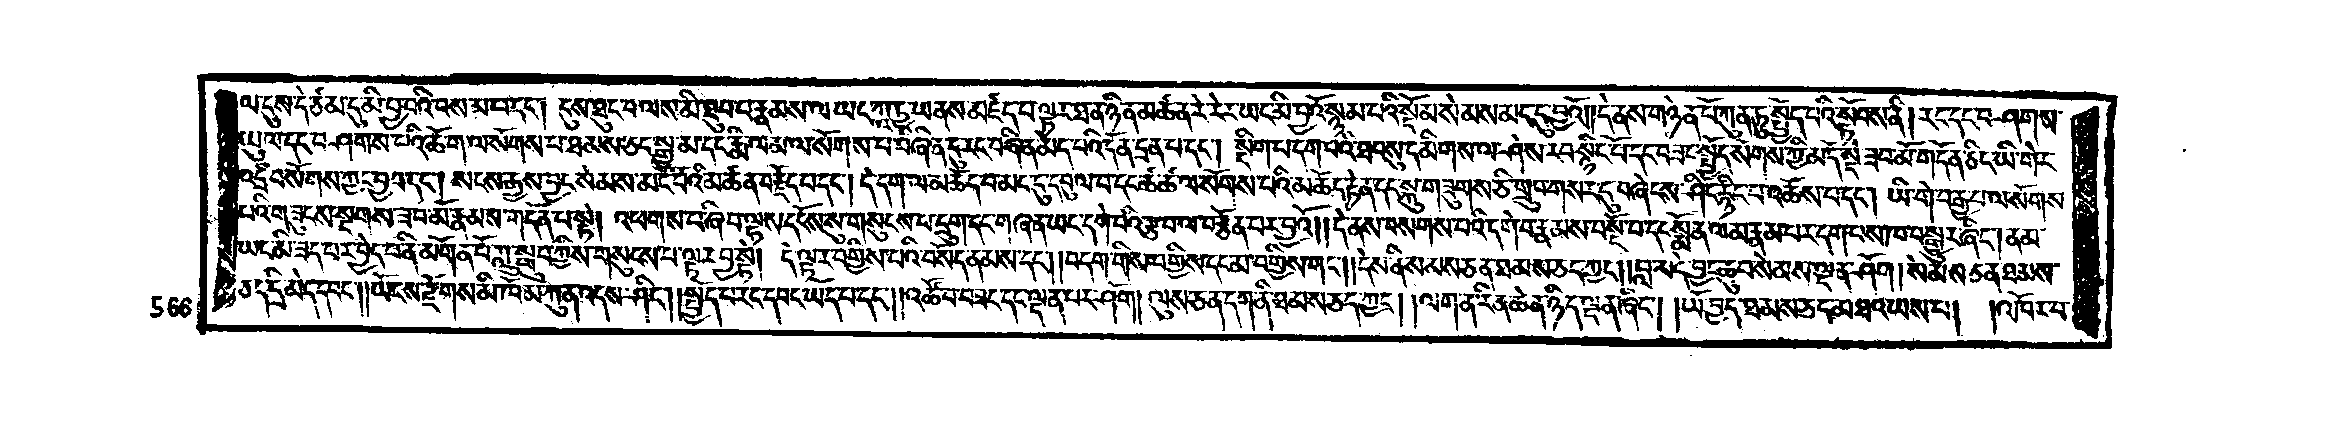ལ་དུས་དེ་ཙམ་དུ་མི་བྱ་བའི་བསམ་པ་དང་། དུས་ཐུང་བ་ལས་མི་ཐུབ་པ་རྣམས་ལ་ཡང་ཀཱི་ཏྱཱ་ཡ་ནས་མཛད་པ་ལྟར་ཐ་ན་ཉིན་མཚན་རེ་རེར་ཡང་མི་བྱའོ་སྙམ་པའི་སྡོམ་སེམས་མང་དུ་བྱའོ། །དེ་ནས་གཉེན་པོ་ཀུན་ཏུ་སྤྱོད་པའི་སྟོབས་ནི། རང་དང་བཤགས་
ཡུལ་དང་བཤགས་པའི་ཆོ་ག་ལ་སོགས་པ་ཐམས་ཅད་སྒྱུ་མ་དང་རྨི་ལམ་ལ་སོགས་པ་བཞིན་དུ་རང་བཞིན་མེད་པའི་དོན་དྲན་པ་དང་། སྡིག་པ་དག་པའི་ཐབས་སུ་དམིགས་ལ་ཤེས་རབ་སྙིང་པོ་དང་བཟང་སྤྱོད་སོགས་ཀྱི་མདོ་སྡེ་ཟབ་མོ་གདོན་ཅིང་ཡི་གེར་
འདྲི་བསོགས་ཀྱང་བྱ་བ་དང་། སངས་རྒྱས་བྱང་སེམས་མང་པོའི་མཚན་བརྗོད་པ་དང་། དེ་དག་ལ་མཆོད་པ་མང་དུ་དབུལ་བ་དང་ཚ་ཚ་ལ་སོགས་པའི་མཆོད་རྟེན་དང་སྐུ་གཟུགས་ཅི་གྲུབ་གསར་དུ་བཞེངས་ཤིང་རྙིང་པ་འཆོས་པ་དང་། ཡི་གེ་བརྒྱ་པ་ལ་སོགས་
པའི་གཟུངས་སྔགས་ཟབ་མོ་རྣམས་གདོན་པ་སྟེ། འཕགས་པ་ཞི་བ་ལྷས་དངོས་སུ་གསུངས་པ་དྲུག་དང་གཞན་ཡང་དགེ་བའི་རྩ་བ་ལ་བརྩོན་པར་བྱའོ། །དེ་ནས་བསགས་པའི་དགེ་བ་རྣམས་བསྔོ་བ་དང་སྨོན་ལམ་རྣམ་པར་དག་པས་ཁ་བསྒྱུར་ཞིང་། ནམ་
ཡང་མི་ཟད་པར་བྱེད་པ་ནི་མགོན་པོ་ཀླུ་སྒྲུབ་ཀྱིས་གསུངས་པ་ལྟར་བྱ་སྟེ། དེ་ལྟར་བགྱིས་པའི་བསོད་ནམས་དང་། །བདག་གིས་བགྱིས་དང་མ་བགྱིས་གང་། །དེས་ནི་སེམས་ཅན་ཐམས་ཅད་ཀྱང་། །བླ་མེད་བྱང་ཆུབ་སེམས་ལྡན་ཤོག །སེམས་ཅན་ཐམས་
ཅད་དྲི་མེད་དབང་། །ཡོངས་རྫོགས་མི་ཁོམ་ཀུན་འདས་ཤིང་། །སྤྱོད་པ་རང་དབང་ཡོད་པ་དང་། །འཚོ་བ་བཟང་དང་ལྡན་པར་ཤོག །ལུས་ཅན་དག་ནི་ཐམས་ཅད་ཀྱང་། །ལག་ན་རིན་ཆེན་ཉིད་ལྡན་ཞིང་། །ཡོ་བྱད་ཐམས་ཅད་མཐའ་ཡས་པ། །འཁོར་བ་